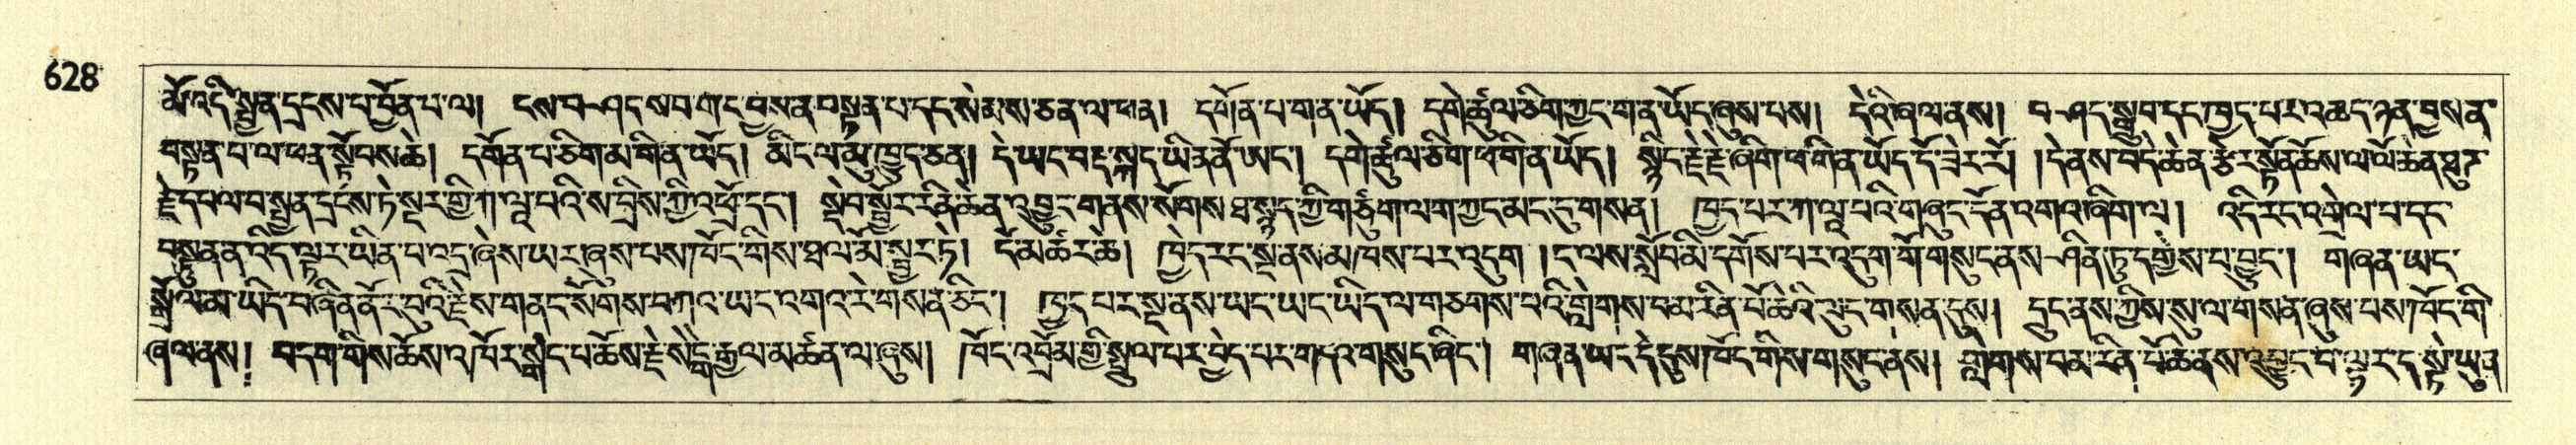མོ་འདི་སྤྱན་དྲངས་པ་བྱོན་པ་ལ། ངས་བཤད་སབ་གང་བྱས་ན་བསྟན་པ་དང་སེམས་ཅན་ལ་ཕན། དགོན་པ་ག་ན་ཡོད། དགེ་ཚུལ་ཅིག་ཀྱང་ག་ན་ཡོད་ཞུས་པས། དེའི་ཞལ་ནས། བཤད་སྒྲུབ་དང་ཁྱད་པར་འཆད་ཉན་བྱས་ན་
བསྟན་པ་ལ་ཕན་སྟོབས་ཆེ། དགོན་པ་ཅིག་མ་གི་ན་ཡོད། མིང་ལ་མུ་ཁྱུད་ཅན། དེ་ཡང་བརྡ་སྐད་ཡིན་ནོ་ཨང་། དགེ་ཚུལ་ཅིག་ཕ་གི་ན་ཡོད། སྙིང་རྗེ་རྗེ་ཞིག་ཕ་གི་ན་ཡོད་དོ་ཟེར་རོ། །དེ་ནས་བདེ་ཆེན་རྩེར་སྟོན་ཆོས་ལ་ལོ་ཆེན་ཐུཌ་
རྗེ་དཔལ་བ་སྤྱན་དྲངས་ཏེ་སྔར་གྱི་ཀ་ལཱ་པའི་ས་བྲིས་ཀྱི་འཕྲོ་དང་། སྡེབ་སྦྱོར་རིན་ཆེན་འབྱུང་གནས་སོགས་ཐ་སྙད་ཀྱི་གཙུག་ལག་ཀྱང་མང་དུ་གསན། ཁྱད་པར་ཀ་ལཱ་པའི་གཞུང་དོན་འགའ་ཞིག་ལ། འདི་རང་འགྲེལ་བ་དང་
བསྟུན་ན་འདི་ལྟར་ཡིན་པ་འདྲ་ཞེས་ཡར་ཞུས་པས་ཁོང་གིས་ཐལ་མོ་སྦྱར་ཏེ། ངོ་མཚར་ཆེ། ཁྱེད་རང་སྔ་ནས་མཁས་པར་འདུག །ང་ལས་སློབ་མི་དགོས་པར་འདུག་གོ་གསུང་ནས་ཤིན་ཏུ་དགྱེས་པ་བྱུང་། གཞན་ཡང་
སྒྲོལ་མ་ཡིད་བཞིན་ནོར་བུའི་རྗེས་གནང་སོགས་བཀའ་ཡང་འགའ་རེ་གསན་ཅིང་། ཁྱད་པར་སྔ་ནས་ཡང་ཡང་ཡིད་ལ་གཅགས་པའི་གླེགས་བམ་རིན་པོ་ཆེའི་ལུང་གསན་དུས། དྲུང་ནས་ཀྱིས་སུ་ལ་གསན་ཞུས་པས་ཁོང་གི་
ཞལ་ནས། བདག་གིས་ཆོས་འཁོར་སྒེང་པ་ཆོས་རྗེ་སེངྒེ་རྒྱལ་མཚན་ལ་ཞུས། ཁོང་འབྲོམ་གྱི་སྤྲུལ་པར་བྱེད་པར་གདའ་གསུང་ཞིང་། གཞན་ཡང་དེ་དུས་ཁོང་གིས་གསུང་ནས། གླེགས་བམ་རིན་པོ་ཆེ་ནས་འབྱུང་བ་ལྟར་ད་སྟེ་ཡུན་